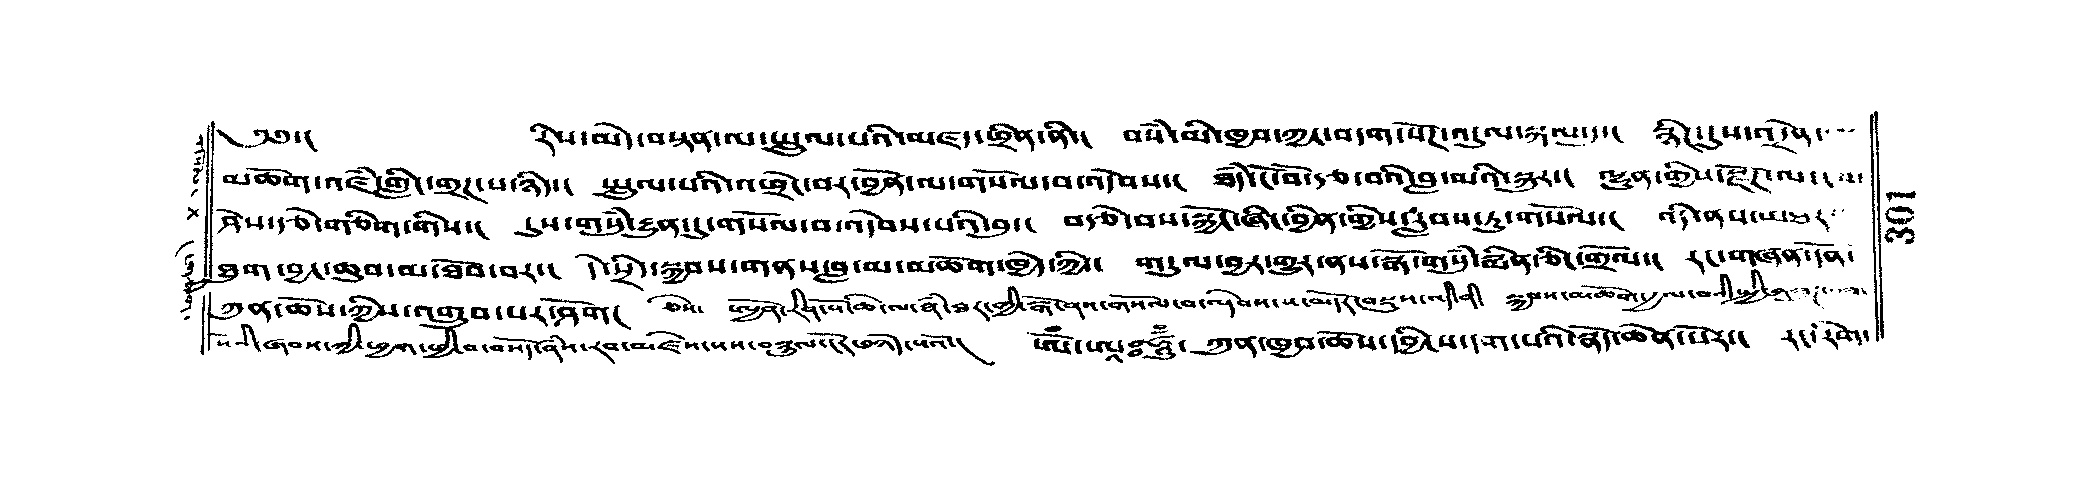།རིས་མེད་བསྟན་ལ་སྤྲུལ་པའི་མཛད་ཕྲིན་ནི། །བསམ་མི་ཁྱབ་ཀྱང་བདག་སོགས་འདུལ་སྐལ་དུ། །སྙིགས་དུས་འདྲེན་
མཆོག་འཛམ་གླིང་གྲགས་པ་ཉིད། །སྤྲུལ་པའི་འཕྲེང་བར་བྱོན་ལ་གསོལ་བ་འདེབས། །ཐམས་ཅད་ངོ་བོ་རྩ་བའི་བླ་མའི་སྐུར། །ལྷུན་གྱིས་རྫོགས་ལ་ངེས་
ཤེས་རྩེ་གཅིག་གིས། །དུས་གསུམ་རྒྱུན་དུ་གསོལ་བ་འདེབས་པའི་བུ། །བརྩེ་བས་སྐྱོང་ཞིང་བྱིན་གྱིས་བརླབ་ཏུ་གསོལ། །འདི་ནས་མཐར་
ཐུག་བྱང་ཆུབ་མ་ཐོབ་བར། །དེ་སྲིད་སྐྱབས་གནས་བླ་མ་མཆོག་ཁྱེད་ཀྱི། །གདུལ་བྱར་གྱུར་ནས་སྒོ་གསུམ་སྨིན་ཅིང་གྲོལ། །རང་གཞན་དོན་
ཀུན་ཆོས་ཀྱིས་འགྲུབ་པར་ཤོག ཅེས་ཨོ་རྒྱན་རིན་པོ་ཆེ་ལ་རྣམ་ཐར་གྱི་སྒོ་ནས་གསོལ་བ་འདེབས་པ་མདོར་བསྡུས་འདི་ནི། སྐྱབས་མཆོག་རྒྱལ་བའི་སྤྱི་གཟུགས་བཟང་
པོའི་ཞབས་ཀྱི་ཕྱག་ཕྱི་བ་བསོད་ནམས་རབ་མཛེས་པས་བསྐུལ་ངོར་བཀོད་པའོ།། ཨོཾ་ཨཱཿཧཱུྃ། ཀུན་ཁྱབ་ཆོས་དབྱིངས་དག་པའི་སྣོད་ཆེན་པོར། །རང་རིག་